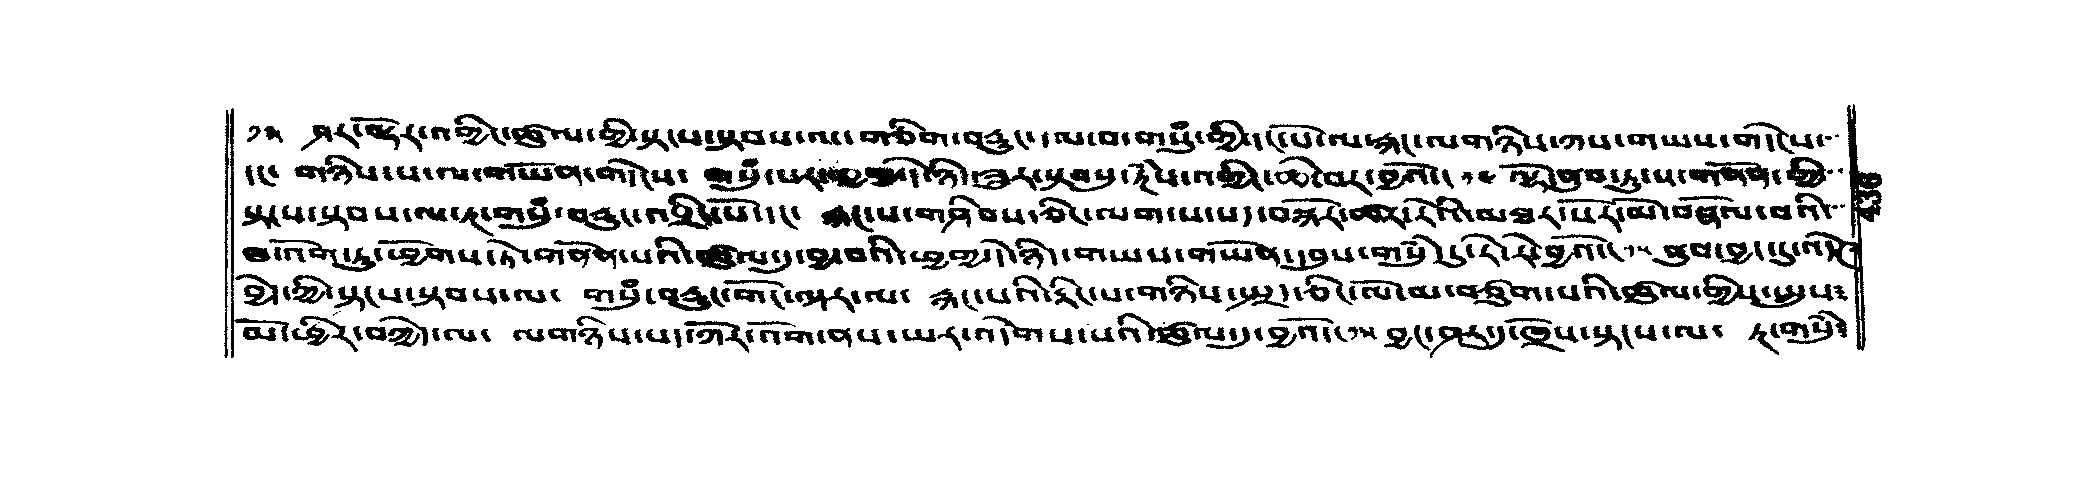ཤར་ལྷོར་འགྱིང་ཚུལ་གྱི་སྟངས་སྟབས་ལ་གཅིག་བརྡུང་དལ་བ་གསུམ་གྱི་དང་པོ་ལ་རྐང་ལག་གཉིས་ཀས་གཡས་གདེངས་
དང་། གཉིས་པ་གཡོན་གདེངས། གསུམ་པ་ཕྱག་རྒྱ་དེ་ཉིདུ་ཟུར་སྟབས་སུ་རྔམས་འགྱིང་ཆེ་བར་བྱའོ། ༡༤ ལྷོ་་ནུབ་ཏུ་ས་གནོན་གྱི་
སྟངས་སྟབས་ལ་རྔ་གསུམ་བརྡུང་འབྲིང་པོ་དང་། རྐང་པ་གཤིབས་ཤིང་ལག་པ་པད་ཀོར་ཚར་རེའི་མཐར་སོར་མོ་བསྣོལ་བའི་
ཁ་འོག་ཏུ་ཕྱོགས་ཏེ་གནོན་པའི་ཚུལ་དུ་བྱ་བའི་ཕྱག་རྒྱ་དེ་ཉིད་གཡས་གཡོན་དབུས་གསུམ་དུ་རེ་རེ་བྱའོ། ༡༥ ནུབ་བྱང་དུ་འདེགས་
བྱེད་ཀྱི་སྟངས་སྟབས་ལ། གསུམ་བརྡུང་གོང་ལྟར་ལ་རྐང་པའི་རྟིང་པ་གཉིས་སྤྲད་ཅིང་ལོ་མ་བཙུག་པའི་ཚུལ་གྱིས་སྤུས་
མོ་ཕྱིར་བཀྱེད་ལ། ལག་གཉིས་པད་ཀོར་འོག་ནས་ཡར་འདེགས་པའི་ཚུལ་དུ་བྱའོ། ༡༦ བྱང་ཤར་དུ་ཁྲོས་སྟངས་ལ་རྔ་གསུམ་